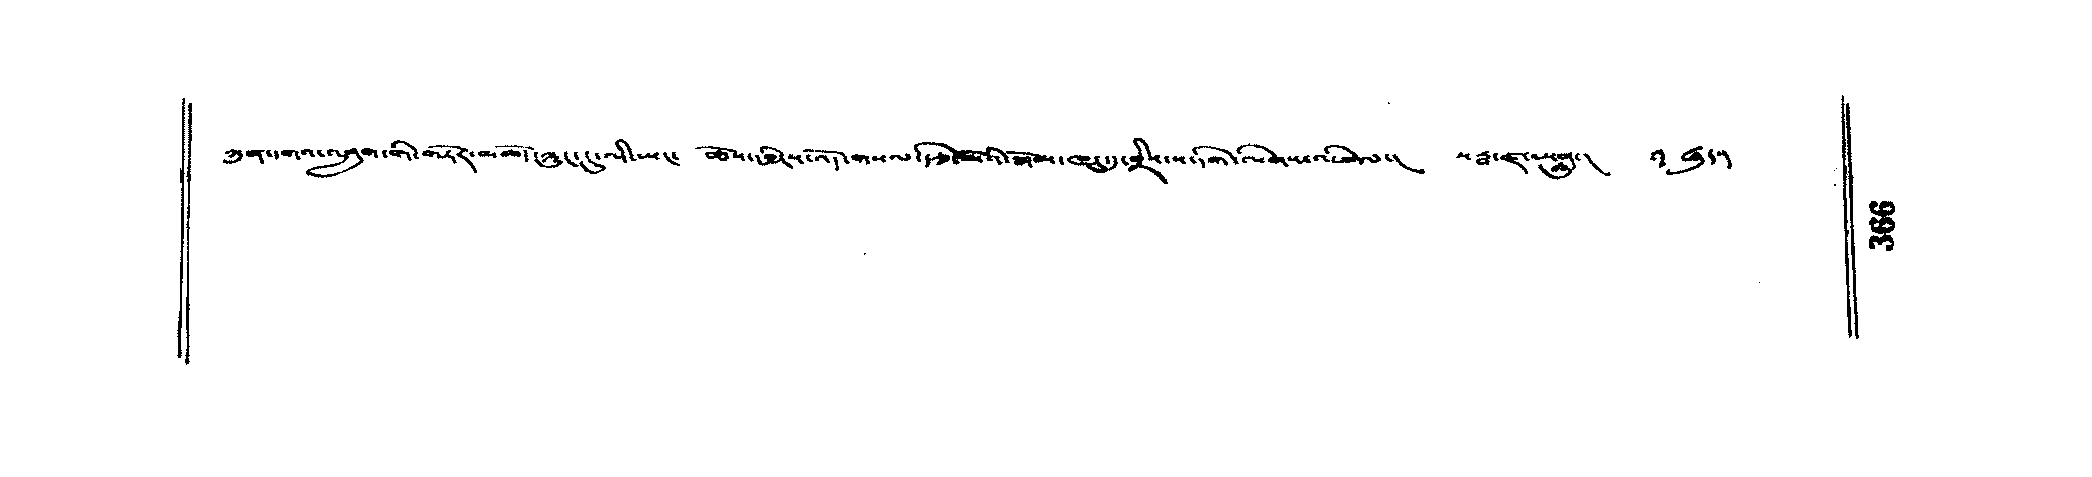ཀུན་དཀའ་འབྲུག་གི་གཏོར་མཆོད་ཉུང་ངུ་འདི་ཡང་། ཆོས་དབྱིངས་འོད་གསལ་རྩེ་མོའི་སྒོམ་ཁང་དུ་བྲིས་པ་དགེ་ལེགས་འཕེལ། སརྦ་ཛ་ཡནྟུ།